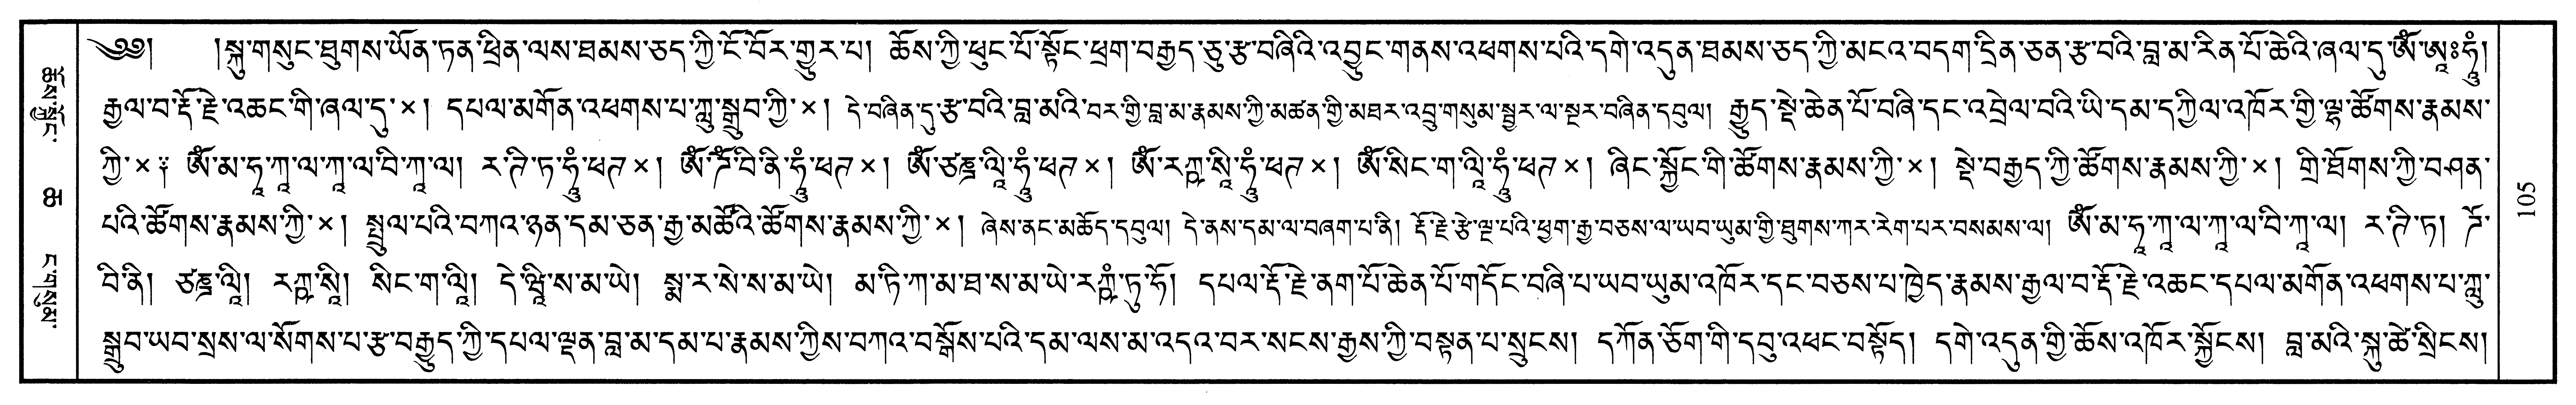༄༅། །སྐུ་གསུང་ཐུགས་ཡོན་ཏན་ཕྲིན་ལས་ཐམས་ཅད་ཀྱི་ངོ་བོར་གྱུར་པ། ཆོས་ཀྱི་ཕུང་པོ་སྟོང་ཕྲག་བརྒྱད་ཅུ་རྩ་བཞིའི་འབྱུང་གནས་འཕགས་པའི་དགེ་འདུན་ཐམས་ཅད་ཀྱི་མངའ་བདག་དྲིན་ཅན་རྩ་བའི་བླ་མ་རིན་པོ་ཆེའི་ཞལ་དུ་ཨོཾ་ཨཱཿ ཧཱུཾ།
རྒྱལ་བ་རྡོ་རྗེ་འཆང་གི་ཞལ་དུ་྾། དཔལ་མགོན་འཕགས་པ་ཀླུ་སྒྲུབ་ཀྱི་྾། དེ་བཞིན་དུ་རྩ་བའི་བླ་མའི་བར་གྱི་བླ་མ་རྣམས་ཀྱི་མཚན་གྱི་མཐར་འབྲུ་གསུམ་སྦྱར་ལ་སྔར་བཞིན་དབུལ། རྒྱུད་སྡེ་ཆེན་པོ་བཞི་དང་འབྲེལ་བའི་ཡི་དམ་དཀྱིལ་འཁོར་གྱི་ལྷ་ཚོགས་རྣམས་
ཀྱི་྾། ཨོཾ་མ་ཧཱ་ཀཱ་ལ་ཀཱ་ལ་བི་ཀཱ་ལ། ར་ཊི་ཏ་ཧཱུཾ་ཕཊ་྾། ཨོཾ་ཌོཾ་བི་ནི་ཧཱུཾ་ཕཊ་྾། ཨོཾ་ཙཎྜ་ལཱི་ཧཱུཾ་ཕཊ་྾། ཨོཾ་རཀྵ་སཱི་ཧཱུཾ་ཕཊ་྾། ཨོཾ་སིང་ག་ལཱི་ཧཱུཾ་ཕཊ་྾། ཞིང་སྐྱོང་གི་ཚོགས་རྣམས་ཀྱི་྾། སྡེ་བརྒྱད་ཀྱི་ཚོགས་རྣམས་ཀྱི་྾། གྲི་ཐོགས་ཀྱི་བཤན་
པའི་ཚོགས་རྣམས་ཀྱི་྾། སྤྲུལ་པའི་བཀའ་ཉན་དམ་ཅན་རྒྱ་མཚོའི་ཚོགས་རྣམས་ཀྱི་྾། ཞེས་ནང་མཆོད་དབུལ། དེ་ནས་དམ་ལ་བཞག་པ་ནི། རྡོ་རྗེ་རྩེ་ལྔ་པའི་ཕྱག་རྒྱ་བཅས་ལ་ཡབ་ཡུམ་གྱི་ཐུགས་ཀར་རེག་པར་བསམས་ལ། ཨོཾ་མ་ཧཱ་ཀཱ་ལ་ཀཱ་ལ་བི་ཀཱ་ལ། ར་ཊི་ཏ། ཌོ་
བི་ནི། ཙཎྜ་ལཱི། རཀྵ་སཱི། སིང་ག་ལཱི། དེ་ཝཱི་ས་མ་ཡེ། སྨ་ར་སེ་ས་མ་ཡེ། མ་ཏི་ཀ་མ་ཐ་ས་མ་ཡེ་རཀྵཾ་ཏུ་ཧོ། དཔལ་རྡོ་རྗེ་ནག་པོ་ཆེན་པོ་གདོང་བཞི་པ་ཡབ་ཡུམ་འཁོར་དང་བཅས་པ་ཁྱེད་རྣམས་རྒྱལ་བ་རྡོ་རྗེ་འཆང་དཔལ་མགོན་འཕགས་པ་ཀླུ་
སྒྲུབ་ཡབ་སྲས་ལ་སོགས་པ་རྩ་བརྒྱུད་ཀྱི་དཔལ་ལྡན་བླ་མ་དམ་པ་རྣམས་ཀྱིས་བཀའ་བསྒོས་པའི་དམ་ལས་མ་འདའ་བར་སངས་རྒྱས་ཀྱི་བསྟན་པ་སྲུངས། དཀོན་ཅོག་གི་དབུ་འཕང་བསྟོད། དགེ་འདུན་གྱི་ཆོས་འཁོར་སྐྱོངས། བླ་མའི་སྐུ་ཚེ་སྲིངས།